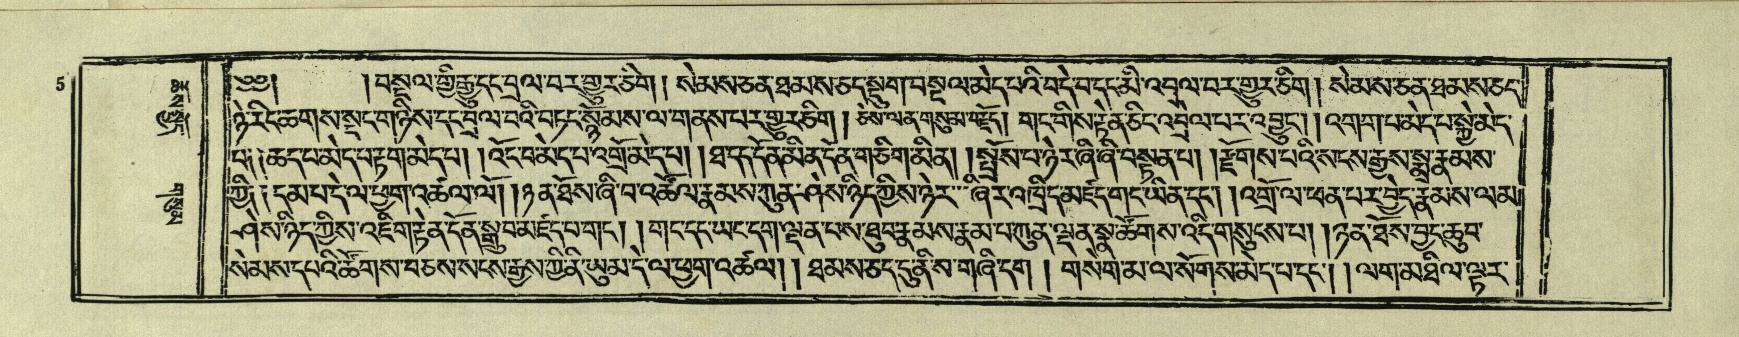༄༅། །བསྔལ་གྱི་རྒྱུ་དང་བྲལ་བར་གྱུར་ཅིག །སེམས་ཅན་ཐམས་ཅད་སྡུག་བསྔལ་མེད་པའི་བདེ་བ་དང་མི་འབྲལ་བར་གྱུར་ཅིག། སེམས་ཅན་ཐམས་ཅད་
ཉེ་རིང་ཆགས་སྡང་གཉིས་དང་བྲལ་བའི་བཏང་སྙོམས་ལ་གནས་པར་གྱུར་ཅིག །ཅེས་ལན་གསུམ་བརྗོད། གང་གིས་རྟེན་ཅིང་འབྲེལ་བར་འབྱུང་། །འགག་པ་མེད་པ་སྐྱེ་མེད་
པ༑ ༑ཆད་པ་མེད་པ་རྟག་མེད་པ། །འོང་བ་མེད་པ་འགྲོ་མེད་པ། །ཐ་དད་དོན་མིན་དོན་གཅིག་མིན། །སྤྲོས་པ་ཉེར་ཞི་ཞི་བསྟན་པ། །རྫོགས་པའི་སངས་རྒྱས་སྨྲ་རྣམས་
ཀྱི༑ ༑དམ་པ་དེ་ལ་ཕྱག་འཚལ་ལོ། །ཉན་ཐོས་ཞི་བ་འཚོལ་རྣམས་ཀུན་ཤེས་ཉིད་ཀྱིས་ཉེར་ཞིར་འཁྲིད་མཛད་གང་ཡིན་དང་། །འགྲོ་ལ་ཕན་པར་བྱེད་རྣམས་ལམ་
ཤེས་ཉིད་ཀྱིས་འཇིག་རྟེན་དོན་སྒྲུབ་མཛད་པ་གང་། །གང་དང་ཡང་དག་ལྡན་པས་ཐུབ་རྣམས་རྣམ་པ་ཀུན་ལྡན་སྣ་ཚོགས་འདི་གསུངས་པ། །ཉན་ཐོས་བྱང་ཆུབ་
སེམས་དཔའི་ཚོགས་བཅས་སངས་རྒྱས་ཀྱི་ནི་ཡུམ་དེ་ལ་ཕྱག་འཚལ། །ཐམས་ཅད་དུ་ནི་ས་གཞི་དག །གསེག་མ་ལ་སོགས་མེད་པ་དང་། །ལག་མཐིལ་ལྟར་